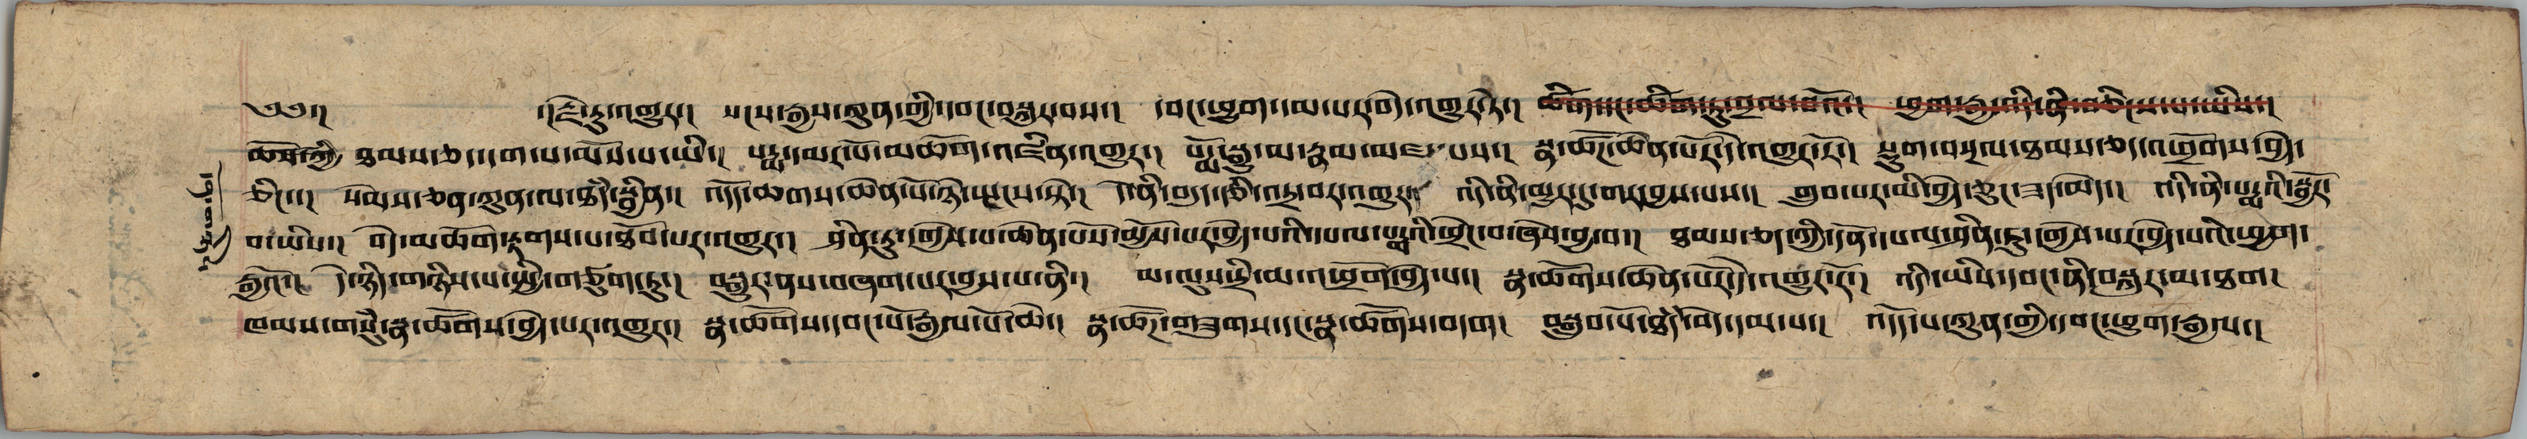༄༅་། ་།རྗེ་རུ་འགྱུར་། སངས་རྒྱས་ཀུན་གྱི་དབང་བསྐུར་བས་། དབང་ཕྱུག་དམ་པར་བདེ་འགྱུར་ཏེ་། ཚིག་དང་ཚིག་ཏུ་བྲལ་བའོ་། ཕྱག་རྒྱ་འདི་ནི་བཅིངས་པ་ཡིས་།
ཆོས་ཀྱི་ ཐམས་ཅད་དག་པ་མོས་པ་ཡི་། པདྨ་དམར་པོ་མཆོག་འཛིན་འགྱུར་། པདྨོ་སྒྱུ་མ་རྣམ་མཛད་པས་། སྣ་ཚོཌ་ཆེན་པོར་དེ་འགྱུར་ཏོ་། སྡུག་བསྔལ་ཐམས་ཅད་འཕྲོགས་བྱེད་
ཅིང་་། སེམས་ཅན་ཀུན་ལ་ཐཾད་སྦྱིན་། འདོད་ཆགས་ཆེན་པོ་ཉེ་སྤངས་སྟེ་། དེ་ནི་བདུད་རྩི་འདྲ་བར་འགྱུར་། འདི་ནི་མྱུར་དུ་གར་བྱས་པས་། གྲུབ་པར་མི་བྱེད་ཅུང་ཟད་མེད་། འདི་ནི་པདྨའི་སྦྱོར་
བ་ཡིས་་། བདེ་མཆོག་རྟགས་པ་ཐོབ་པར་འགྱུར་། ཤིན་ཏུ་དགྱེས་པ་ཆེན་པོས་མྱོས་པར་བྱེད་པའི་དཔལ་པདྨའི་ཕྲེང་བ་ཞེས་བྱ་བ་། ཐམས་ཅད་ཀྱི་དོན་དཔལ་ཤིན་ཏུ་དགྱེས་པར་བྱེད་པའི་ཕྱག་
རྒྱའོ་། དེ་ཉིད་གཉིས་པ་སྤྱི་གཙུག་ཏུ་། བསྒྱུར་ནས་བཞག་པར་བྱས་པ་ནི་། མ་ལུས་དྲི་མ་འཕྲོག་བྱེད་པ་། སྣ་ཚོགས་ཆེན་པོར་དེ་འགྱུར་རོ་། འདི་ཡིས་དབང་ནི་བསྐུར་མ་ཐག།
ཁམས་གསུཾ་སྣ་ཚོགས་བྱེད་པར་འགྱུར་། སྣ་ཚོགས་དབང་པོ་རྒྱལ་པོ་ཆེ་། སྣ་ཚོགས་གཟུགས་དང་སྣ་ཚོགས་བདག། བསྒྲུབ་པོ་ཐཾད་བདེ་དམ་པ་། འདོད་པ་ཀུན་གྱི་དབང་ཕྱུག་རྒྱལ་།